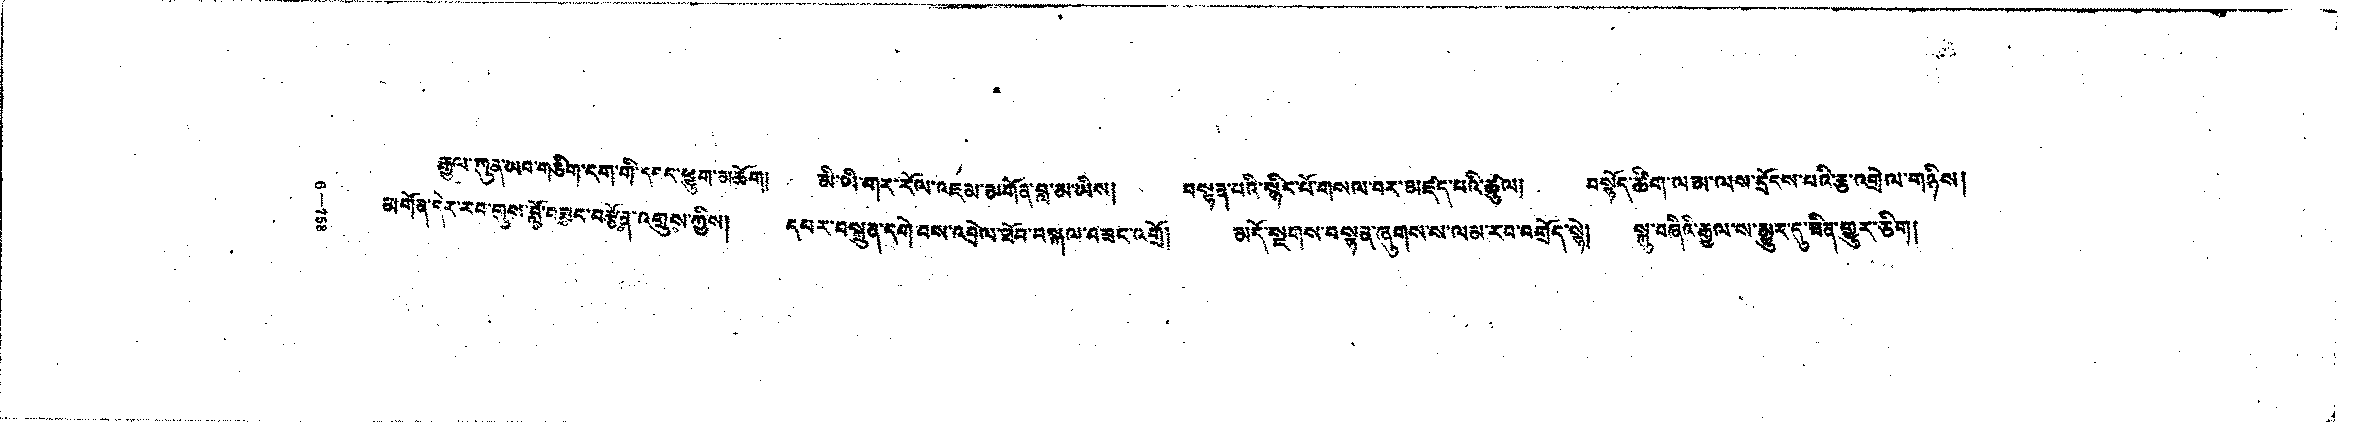རྒྱལ་ཀུན་ཡབ་གཅིག་ངག་གི་དབང་ཕྱུག་མཆོག །མི་ཡི་གར་རོལ་འཇམ་མགོན་བླ་མ་ཡིས། བསྟན་པའི་སྙིང་པོ་གསལ་བར་མཛད་པའི་ཚུལ། བསྟོད་ཚིག་ལམ་ལས་དྲོངས་པའི་རྩ་འགྲེལ་གཉིས་
མགོན་དེར་རབ་གུས་བློ་བཟང་བརྩོན་འགྲུས་ཀྱིས། དཔར་བསྐྲུན་དགེ་བས་འབྲེལ་ཐོབ་སྐལ་བཟང་འགྲོ། མདོ་སྔགས་བསྟན་ཞུགས་ས་ལམ་རབ་བགྲོད་སྟེ། སྐུ་བཞིའི་རྒྱལ་ས་མྱུར་དུ་ཟིན་གྱུར་ཅིག །